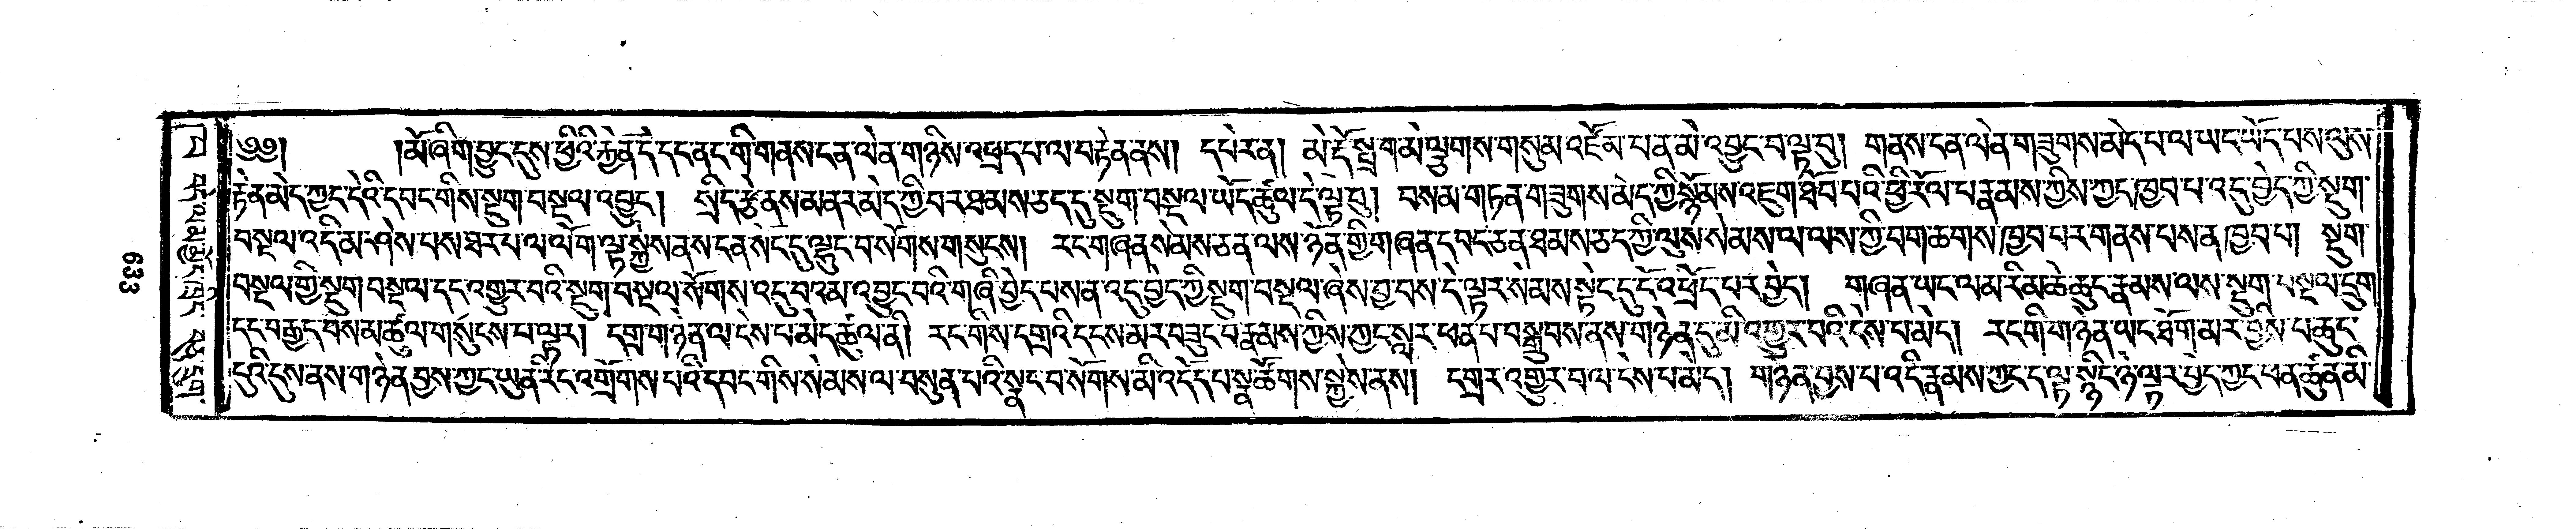༄༅། །མོ་ཞིག་བྱུང་དུས་ཕྱིའི་རྐྱེན་དེ་དང་ནང་གི་གནས་ངན་ལེན་གཉིས་འཕྲད་པ་ལ་བརྟེན་ནས། དཔེར་ན། མེ་རྡོ་སྤྲག་མེ་ལྕགས་གསུམ་འཛོམ་པ་ན་མེ་འབྱུང་བ་ལྟ་བུ། གནས་ངན་ལེན་གཟུགས་མེད་པ་ལ་ཡང་ཡོད་པས་ལུས་
རྟེན་མེད་ཀྱང་དེའི་དབང་གིས་སྡུག་བསྔལ་འབྱུང་། སྲིད་རྩེ་ནས་མནར་མེད་ཀྱི་བར་ཐམས་ཅད་དུ་སྡུག་བསྔལ་ཡོད་ཚུལ་དེ་ལྟ་བུ། བསམ་གཏན་གཟུགས་མེད་ཀྱི་སྙོམས་འཇུག་ཐོབ་པའི་ཕྱི་རོལ་པ་རྣམས་ཀྱིས་ཀྱང་ཁྱབ་པ་འདུ་བྱེད་ཀྱི་སྡུག་
བསྔལ་འདི་མ་ཤེས་པས་ཐར་པ་ལ་ལོག་ལྟ་སྐྱེས་ནས་ངན་སོང་དུ་ལྷུང་བ་སོགས་གསུངས། རང་གཞན་སེམས་ཅན་ལས་ཉོན་གྱི་གཞན་དབང་ཅན་ཐམས་ཅད་ཀྱི་ལུས་སེམས་ལ་ལས་ཀྱི་བག་ཆགས་ཁྱབ་པར་གནས་པས་ན་ཁྱབ་པ། སྡུག་
བསྔལ་གྱི་སྡུག་བསྔལ་དང་འགྱུར་བའི་སྡུག་བསྔལ་སོགས་འདུ་བའམ་འབྱུང་བའི་གཞི་བྱེད་པས་ན་འདུ་བྱེད་ཀྱི་སྡུག་བསྔལ་ཞེས་བྱ་བས་དེ་ལྟར་སེམས་སྟེང་དུ་ངོ་འཕྲོད་པར་བྱེད། གཞན་ཡང་ལམ་རིམ་ཆེ་ཆུང་རྣམས་ལས་སྡུག་བསྔལ་དྲུག་
དང་བརྒྱད་བསམ་ཚུལ་གསུངས་པ་ལྟར། དགྲ་གཉེན་ལ་ངེས་པ་མེད་ཚུལ་ནི། རང་གིས་དགྲའི་དངས་མར་བཟུང་བ་རྣམས་ཀྱིས་ཀྱང་སླར་ཕན་པ་བསྒྲུབས་ནས་གཉེན་དུ་མི་འགྱུར་བའི་དེས་པ་མེད། རང་གི་གཉེན་ཡང་ཐོག་མར་བྱིས་པ་ཆུང་
དུའི་དུས་ནས་གཉེན་བྱས་ཀྱང་ཡུན་རིང་འགྲོགས་པའི་དབང་གིས་སེམས་ལ་བསུན་པའི་སྣང་བ་སོགས་མི་འདོད་པ་སྣ་ཚོགས་སྐྱེས་ནས། དགྲ་འགྱུར་བ་ལ་ངེས་པ་མེད། གཉེན་བྱས་པ་འདི་རྣམས་ཀྱང་ད་ལྟ་སྙིང་ཉེ་ལྟར་བྱེད་ཀྱང་ཕན་ཚུན་མི་